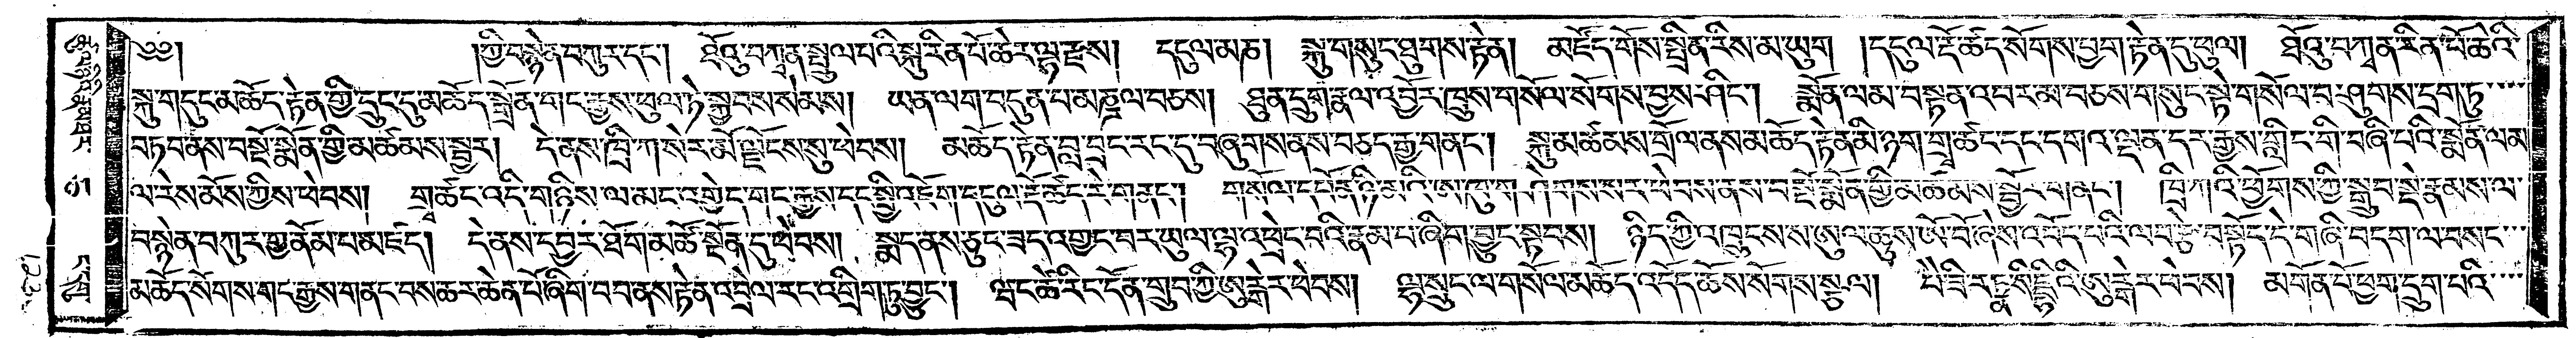༄༅། །ཀྱི་བསྙེན་བཀུར་དང་། ཐོའུ་བཀྭན་སྤྲུལ་པའི་སྐུ་རིན་པོ་ཆེར་ལྷ་རྫས། དངུལ་མཎ། སྐུ་གསུང་ཐུགས་རྟེན། མཛོད་གོས་སྤྲིན་རིས་མ་ཡུག །དངུལ་རྡོ་ཚད་སོགས་བྱག་རྟེན་དུ་ཕུལ། ཐོའུ་བཀྭན་རིན་པོ་ཆེའི་
སྐུ་གདུང་མཆོད་རྟེན་གྱི་དྲུང་དུ་མཆོད་སྒྲོན་གང་རྒྱས་ཕུལ་ཏེ་སྐྱབས་སེམས། ཡན་ལག་བདུན་པ་མཎྜལ་བཅས། ཐུན་དྲུག་རྣལ་འབྱོར་ཁྲུས་གསོལ་སོགས་བྱས་ཤིང་། སྨོན་ལམ་བསྟན་འབར་མ་བཅས་གསུང་སྟེ་གསོལ་བ་ཤུགས་དྲག་ཏུ་
བཏབ་ནས་བསྔོ་སྨོན་བྱི་མཚམས་སྦྱར། དེ་ནས་ཁྲི་ཀ་སེར་མོ་ལྗོངས་སུ་ཕེབས། མཆོད་རྟེན་བླ་བྲང་རང་དུ་བཞུགས་ནས་བཅད་རྒྱ་གནང་། སྐུ་མཚམས་གྲོལ་ནས་མཆོད་རྟེན་མི་ཉག་གྲྭ་ཚང་དང་དགའ་ལྡན་དར་རྒྱས་གླིང་གི་བཞི་པའི་སྨོན་ལམ་
ལ་རེས་མོས་ཀྱིས་ཕེབས། གྲྭ་ཚང་འདི་གཉིས་ལ་མང་འགྱེད་གང་རྒྱས་དང་སྤྱི་འཇོག་དངུལ་རྡོ་ཚད་རེ་གནང་། གསོལ་དཔོན་ཉི་མའི་ཨ་ཁུ་གཤེགས་སར་ཕེབས་ནས་བསྔོ་སྨོན་གྱི་མཚམས་སྦྱོར་གནང་། ཁྲི་ཀའི་ཕྱོགས་ཀྱི་སྒྲུབ་སྡེ་རྣམས་ལ་
བསྙེན་བཀུར་གྱ་ནོམ་པ་མཛད། དེ་ནས་དབྱར་ཐོག་མཚོ་སྔོན་དུ་ཕེབས། སྨད་ནས་ཅུང་ཟད་འགྱང་བར་ཡུལ་ལྷ་འཕྲེང་བའི་རྣམ་པ་ཞིག་བྱུང་སྟབས། ཉིད་ཀྱི་འཁྲུངས་ས་ཨུལ་ཆུས་ཨོ་བོ་ཞེས་འབོད་པའི་ལབ་རྩེ་བསྟོད་དེ་གཞི་བདག་ལ་བསང་
མཆོད་སོགས་གང་རྒྱས་གནང་བས་ཆར་ཆེན་པོ་ཞིག་བབ་ནས་རྟེན་འབྲེལ་རང་འགྲིག་ཏུ་བྱུང་། ཝང་ཚེ་རིང་དོན་གྲུབ་ཀྱི་ཨུརྒེར་ཕེབས། ལྷ་སྲུང་ལ་གསོལ་མཆོད་འདོད་ཆོས་སོགས་སྩལ། པཻ་ཟི་རཏྣ་སིདྡྷིའི་ཨུརྒེར་ཕེབས། མགོན་པོ་ཕྱག་དྲུག་པའི་